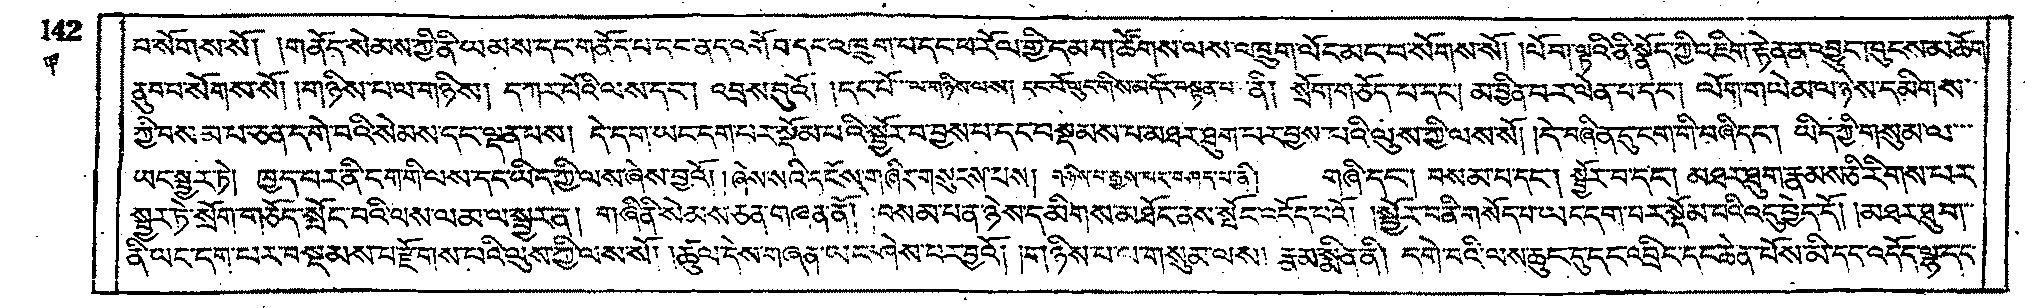པ་སོགས་སོ། །གནོད་སེམས་ཀྱི་ནི་ཡམས་དང་གནོད་པ་དང་ནད་འགོ་བ་དང་འཁྲུག་པ་དང་ཕ་རོལ་གྱི་དམག་ཚོགས་ལས་འཁྲུག་ལོང་མང་བ་སོགས་སོ། །ལོག་ལྟའི་ནི་སྣོད་ཀྱི་འཇིག་རྟེན་ན་འབྱུང་ཁུངས་མཆོག་
ནུབ་པ་སོགས་སོ། །གཉིས་པ་ལ་གཉིས། དཀར་པོའི་ལས་དང་། འབྲས་བུའོ། །དང་པོལ་གཉིས་ལས། དང་པོ་ལུང་གིས་མདོར་བསྟན་པནི། སྲོག་གཅོད་པ་དང་། མ་བྱིན་པར་ལེན་པ་དང་། ལོག་གཡེམ་ལ་ཉེས་དམིགས་
ཀྱི་བསམ་པ་ཅན་དགེ་བའི་སེམས་དང་ལྡན་པས། དེ་དག་ཡང་དག་པར་སྡོམ་པའི་སྦྱོར་བ་བྱས་པ་དང་བསྡམས་པ་མཐར་ཐུག་པར་བྱས་པའི་ལུས་ཀྱི་ལས་སོ། །དེ་བཞིན་དུ་ངང་གི་བཞི་དང་། ཡིད་ཀྱི་གསུམ་ལ་
ཡང་སྦྱར་ཏེ། ཁྱད་པར་ནི་ངང་གི་ལས་དང་ཡིད་ཀྱི་ལས་ཞེས་བྱའོ། །ཞེས་སའི་དངོས་གཞིར་གསུངས་པས། གཉིས་པ་རྒྱས་པར་བཤད་པ་ནི།  གཞི་དང་། བསམ་པ་དང་། སྦྱོར་བ་དང་། མཐར་ཐུག་རྣམས་ཅི་རིགས་པར་
སྦྱར་ཏེ་སྲོག་གཅོད་སྤོང་བའི་ལས་ལམ་ལ་སྦྱར་ན། གཞི་ནི་སེམས་ཅན་གཞན་ནོ། །བསམ་པ་ན་ཉེས་དམིགས་མཐོང་ནས་སྤོང་འདོད་པའོ། །སྦྱོར་བ་ནི་གསོད་པ་ཡང་དག་པར་སྡོམ་པའི་འདུ་བྱེད་དོ། །མཐར་ཐུག་
ནི་ཡང་དག་པར་བསྡམས་པ་རྫོགས་པའི་ལུས་ཀྱི་ལས་སོ། །ཚུལ་དེས་གཞན་ཡང་ཤེས་པར་བྱའོ། །གཉིས་པ་ལ་གསུམ་ལས། རྣམ་སྨིན་ནི། དགེ་བའི་ལས་ཆུང་དུ་དང་འབྲིང་དང་ཆེན་པོས་མི་དང་འདོད་ལྷ་དང་